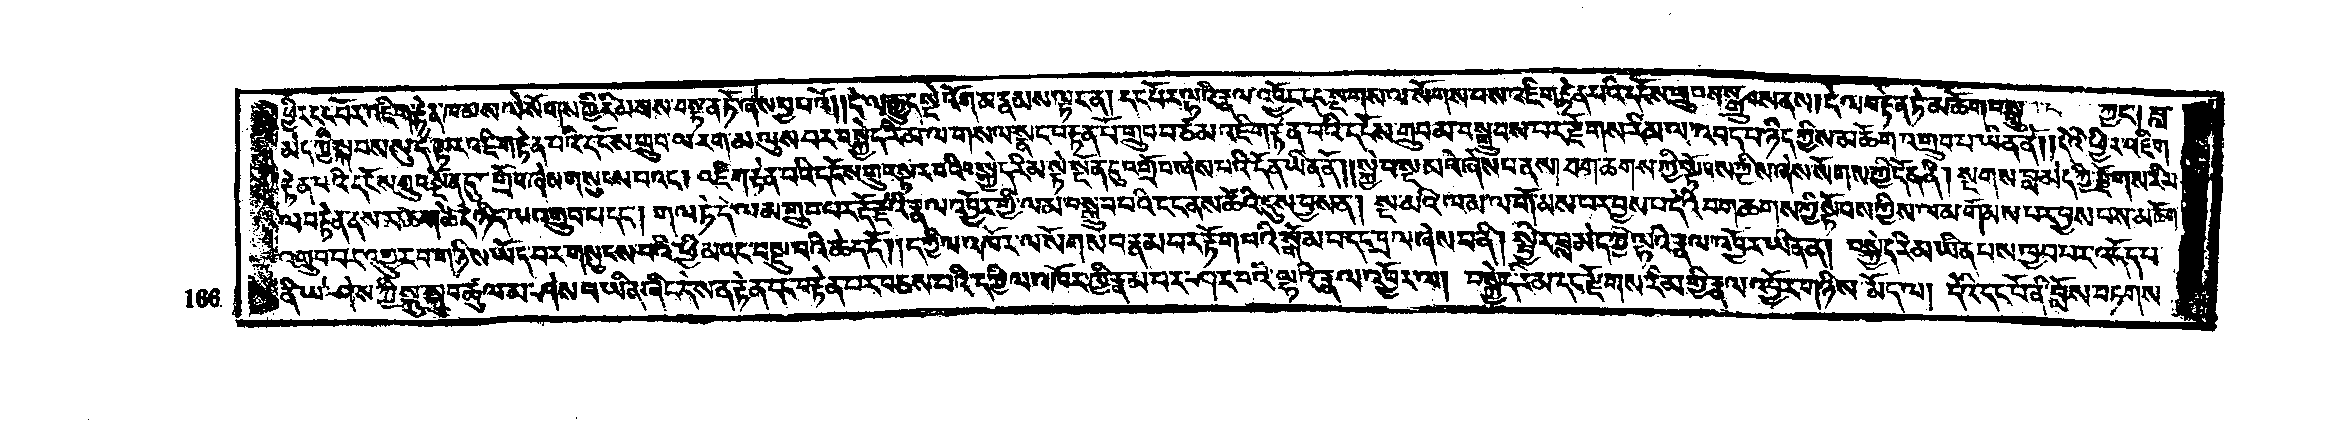ཕྱིར་དང་པོར་འཇིག་རྟེན་ཁམས་ལ་སོགས་ཀྱི་རིམ་པས་བསྟན་ཏོ་ཞེས་བྱ་བའོ། །དེ་ལ་རྒྱུད་སྡེ་འོག་མ་རྣམས་ལྟར་ན། དང་པོར་ལྷའི་རྣལ་འབྱོར་དང་སྔགས་ལ་སོགས་པས་འཇིག་རྟེན་པའི་དངོས་གྲུབ་བསྒྲུབས་ནས། དེ་ལ་བརྟེན་ཏེ་མཆོག་བསྒྲུབ་པ་ཡིན་ཀྱང་། བླ་
མེད་ཀྱི་སྐབས་སུ་དེ་ལྟར་འཇིག་རྟེན་པའི་དངོས་གྲུབ་ལ་རག་མ་ལུས་པར་བསྐྱེད་རིམ་ལ་གསལ་སྣང་བ་རྟན་པོ་གྲུབ་པ་ཙམ་འཇིག་རྟེན་པའི་དངོས་གྲུབ་མ་བསྒྲུབས་པར་རྫོགས་རིམ་ལ་འབད་པ་ཉིད་ཀྱིས་མཆོག་འགྲུབ་པ་ཡིན་ནོ། །དེའི་ཕྱིར་འཇིག་
རྟེན་པའི་དངོས་གྲུབ་སྔོན་དུ་འགྲོ་བ་ཞེས་གསུངས་པའང་། འཇིག་རྟེན་པའི་དངོས་གྲུབ་སྟེར་བའི་བསྐྱེད་རིམ་སྟེ་སྔོན་དུ་འགྲོ་བ་ཞེས་པའི་དོན་ཡིན་ན། །སྐྱེ་བ་སྔ་མའི་ཞེས་པ་ནས། བག་ཆགས་ཀྱི་སྟོབས་ཀྱིས་ཞེས་སོགས་ཀྱི་དོན་ནི། སྔགས་བླ་མེད་ཀྱི་རྫོགས་རིམ་
ལ་བརྟེན་ནས་མཆོག་ཚེ་དེ་ཉིད་ལ་འགྲུབ་པ་དང་། གལ་ཏེ་དེ་ལ་མ་གྲུབ་པར་རྡོ་རྗེའི་རྣལ་འབྱོར་གྱི་ལམ་བསྒྲུབ་པའི་ངང་ནས་ཆོའི་དུས་བྱས་ན། སྔ་མའི་ལམ་ལ་གོམས་པར་བྱས་པ་དེའི་བག་ཆགས་ཀྱི་སྟོབས་ཀྱིས་ལམ་གོམས་པར་བྱས་པས་མཆོག་
འགྲུབ་པར་འགྱུར་བ་གཉིས་ཡོད་པར་གསུངས་པའི་ཕྱི་མའང་བསྡུ་བའི་ཆེད་དོ། །དཀྱིལ་འཁོར་ལ་སོགས་པ་རྣམ་པར་རྟོག་པའི་སྒོམ་པ་དང་བྲལ་ཞེས་པ་ནི། སྤྱིར་བླ་མེད་ཀྱི་ལྷའི་རྣལ་འབྱོར་ཡིན་ན། བསྐྱེད་རིམ་ཡིན་པས་ཁྱབ་པར་འདོད་པ་
ནི་ཡེ་ཤེས་ཀྱི་སྐུ་སྒྲུབ་ཚུལ་མ་ཤེས་པ་ཡིན་ཞིང་དེས་ན་རྟེན་དང་བརྟེན་པར་བཅས་པའི་དཀྱིལ་འཁོར་གྱི་རྣམ་པར་ཤར་བའི་ལྷའི་རྣལ་འབྱོར་ལ། བསྐྱེད་རིམ་དང་རྫོགས་རིམ་གྱི་རྣལ་འབྱོར་གཉིས་ཡོད་ལ། དེའི་དང་པོ་ནི་བློས་བཏགས་